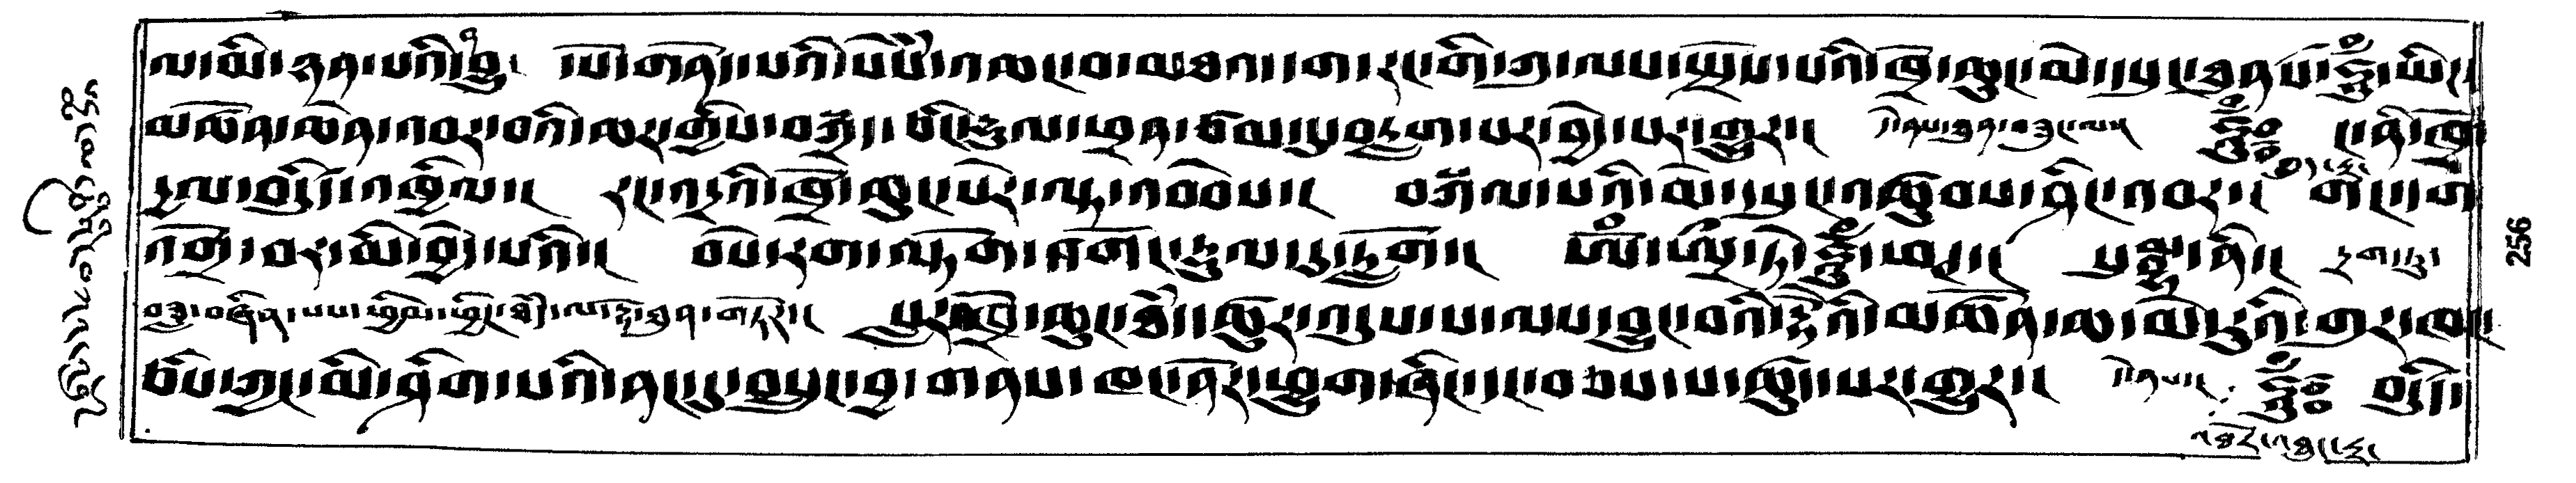ལ་མི་ཉན་པའི་འབྱུང་པོ། །གནོད་པའི་སེམས་འཆང་བ་མཐའ་དག་རང་གི་སྐུ་ལས་སྤྲོས་པའི་ཁྲོ་ཆུང་མེ་དཔུང་ཐུན་རྫས་ཧཱུྃ་ཡིད་
མཚོན་ཆེན་འབར་བའི་ཆར་གྱིས་བསྐྲད་ཅིང་རྡུལ་ཕྲན་ཙམ་དུ་བརླག་པར་བྱེད་པར་གྱུར། དེ་ནས་ཐུན་བཟུང་ལ། ཧཱུྃཿ ང་ནི་ཁྲོ་
རྒྱལ་བདུད་རྩི་འཁྱིལ། །རང་འདྲའི་ཁྲོ་ཆུང་སེར་ལྟ་འབེབས། །བསྐལ་པའི་མེ་དཔུང་འཚུབས་ཤིང་འབར། །གང་དག་
འགྲོ་བར་མི་བྱེད་པའི། བསེ་རག་ལྟོག་འགོང་རྡུལ་དུ་རློག ། ཨོཾ་ཨ་མྲྀ་ཏེ་ཧཱུྃ་ཕཊ། སུམྦྷ་ནི། དྲག་ཏུ་
བཟླ་བཞིན་པས་ཁྱིམ་གྱི་ཕྱོགས་ཐམས་ཅད་ལ་རྡོ་ཐུན་གཏོར། སླར་ཁྲོ་ཆུང་ཐམས་ཅད་ཚུར་འདུས་པ་ལས་བྱུང་བའི་རྡོ་རྗེའི་མཚོ་ཆ་མེ་རུའི་གུར་ཁང་
ཅིས་ཀྱང་མི་ཤིག་པའི་ནང་དུ་སྲུང་བྱ་གནས་ཁང་ནོར་ཕྱུགས་ཞིང་དང་བཅས་པ་ཚུད་པར་གྱུར། དེ་ནས། ཧཱུྃཿ བདུད་རྩི་